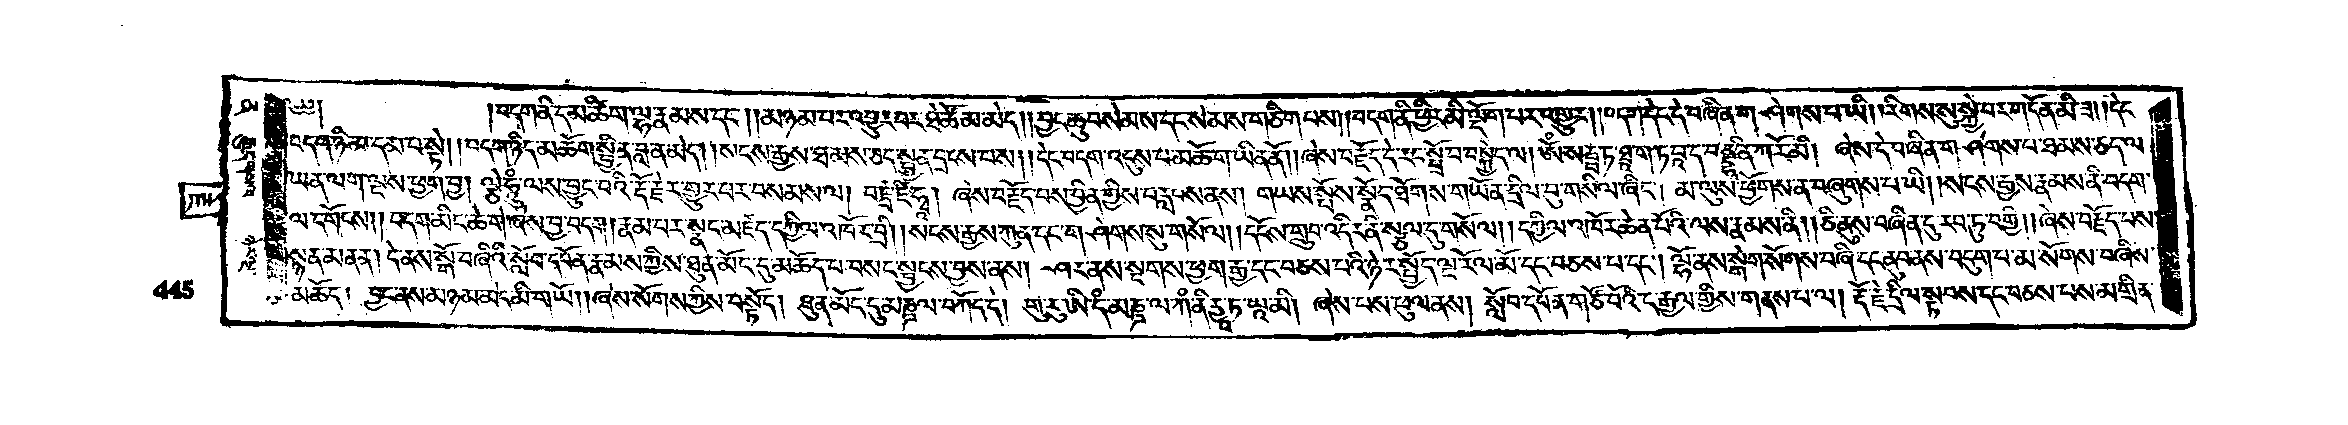༄༅། །བདག་ནི་དམ་ཚིག་ལྷ་རྣམས་དང་། །མཉམ་པར་འགྱུར་བར་ཐེ་ཚོམ་མེད། །བྱང་ཆུབ་སེམས་དང་སེམས་གཅིག་པས། །བདག་ནི་ཕྱིར་མི་ལྡོག་པར་འགྱུར། །བདག་དེང་དེ་བཞིན་གཤེགས་པ་ཡི། །རིགས་སུ་སྐྱེ་བར་གདོན་མི་ཟ། །དེང་
བདག་ཉི་མ་དམ་པ་སྟེ། །བདག་ཉིད་མཆོག་སྦྱིན་བླ་ན་མེད། །སངས་རྒྱས་ཐམས་ཅད་སྤྱན་དྲངས་པས། །དེང་བདག་འདུས་པ་མཆོག་ཡིན་ནོ། །ཞེས་བརྗོད་དེ་རང་སྤྲོ་བ་བསྐྱེད་ལ། ཨོཾ་སརྦྦ་ཏ་ཐཱ་ག་ཏ་པཱ་ད་བནྡྷཱ་ན་ཀ་རོ་མི། ཞེས་དེ་བཞིན་གཤེགས་པ་ཐམས་ཅད་ལ་
ཡན་ལག་ལྔས་ཕྱག་བྱ། ལྕེ་ཧཱུཾ་ལས་བྱུང་བའི་རྡོ་རྗེར་གྱུར་པར་བསམས་ལ། བཛྲ་ཛི་ཧྭཱ། ཞེས་བརྗོད་པས་བཡཧ༧་གྱིས་བྲབས་ནས། གཡས་སྤོས་སྣོད་ཐོགས་གཡོན་དྲིལ་བུ་གསིལ་ཞིང་། མ་ལུས་ཕྱོགས་ན་བཞེགས་པ་ཡི། །སངས་རྒྱས་རྣམས་ནི་བདག་
ལ་དགོངས། །བདག་མིང་ཆེ་གེ་ཞེས་བྱ་བདག །རྣམ་པར་སྣང་མཛད་དཀྱིལ་འཁོར་བྲི། །སངས་རྒྱས་ཀུན་དང་གqཧེགས་སུ་གསོལ། །དངོས་གྲུབ་འདྷར་ནི་སྩལ་དུ་གསོལ། །དཀྱིལ་འཁོར་ཆེན་པོའི་ལས་རྣམས་ནིལ་།ཅི་ནུས་བཞི་དུ་རབ་ཏུ་བྱི། །ཞེས་བརྗོད་པས་
སྙན་མནན། དེནས་སྒོ་བཞིའི་ས྄ བ་དཔོན་རྣམས་ཀྱིས་ཐེན་མོང་དུ་མཆོད་པ་བསང་སྦྱངས་བྱས་ནས། ཤར་ནས་སྔགས་ཕྱགསོལ། །ཞེ་ཝྷལ་མོ་སྦྱཝ་བཝ་ལན་གསུམ་གསོལ་བ་གད་